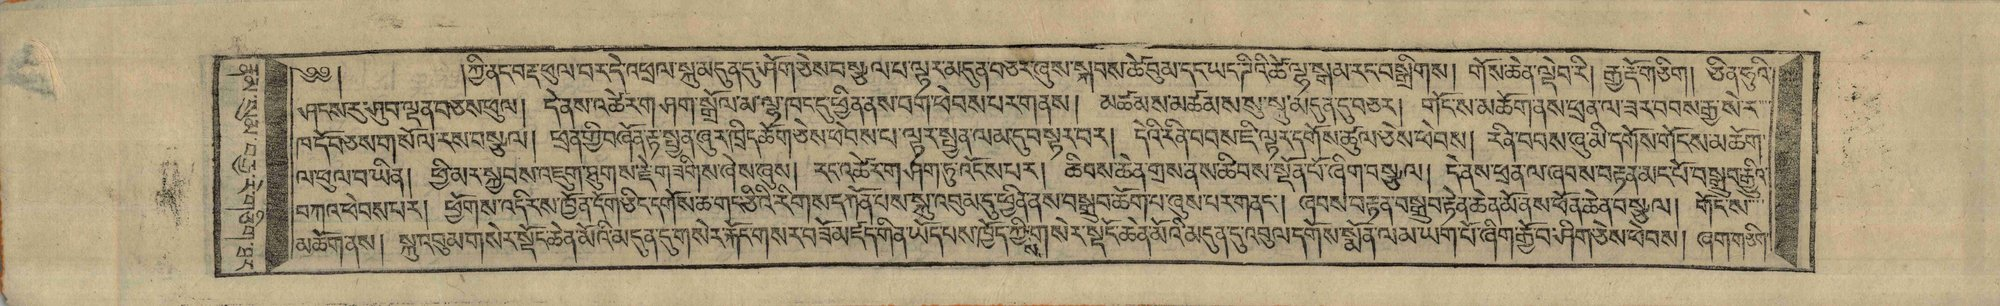༄༅། །ཀྱི་ནང་བརྡ་ཕུལ་བར་དེ་འཕྲལ་སྐུ་མདུན་དུ་ཤོག་ཅེས་བསྩལ་པ་ལྟར་མདུན་བཅར་ཞུས་སྐབས་ཚེ་བུམ་དང་ཡང་ཌིའི་ཚེ་ལྷ་སྒམ་རང་བསྒྲིགས། གོས་ཆེན་ལྡེབ་རི། རྒྱ་རྡོ་གཅིག །ཅིན་ཧུའི་
ཤངས་རུ་ཤུབ་ལྡན་བཅས་ཕུལ། དེ་ནས་འཚེར་གཤག་སྒྲོལ་མ་ལྷ་ཁང་དུ་ཕྱིན་ནས་བག་ཕེབས་པར་གནས། མཚམས་མཚམས་སུ་སྐུ་མདུན་དུ་བཅར། གོང་ས་མཆོག་ནས་ཕྲན་ལ་ཟར་བབས་རྒྱ་སེ་ར་
ཁ་དོ་བཅས་གསོལ་རས་བསྩལ། ཕྲན་གྱི་བཞོན་རྟ་སྤྱན་ཞུར་ཁྲིད་ཆོག་ཅེས་ཕེབས་པ་ལྟར་སྤྱན་ལམ་དུ་བསྟར་བར། དེའི་རིན་བབས་ཇི་ལྟར་དགོས་ཚུལ་ཅེས་ཕེབས། རིན་བབས་ཞུ་མི་དགོས་གོང་ས་མཆོག་
ལ་ཕུལ་བ་ཡིན། ཕྱི་མར་སྐྱབས་འཇུག་ཐུགས་རྗེ་གཟིགས་ཞེས་ཞུས། རང་འཚེར་གཤག་ཏུ་འོངས་པར། ཆིབས་ཆེན་གྲས་ནས་ཆིབས་སྔོན་པོ་ཞིག་བསྩལ། དེ་ནས་ཕྲན་ལ་ཞབས་བརྟན་མང་པོ་བསྒྲུབ་རྒྱུའི་
བཀའ་ཕེབས་པར། ཕྱོགས་འདིར་ས་ཁྱོན་དོག་ཅིང་དགོས་ཆ་གང་ཅིའི་རིགས་དཀོན་པས་སྐུ་འབུམ་དུ་ཕྱིན་ནས་བསྒྲུབ་ཆོག་པ་ཞུས་པར་གནང་། ཞབས་བརྟན་བསྒྲུབ་རྟེན་ཆེན་མོ་ནས་ཕོན་ཆེན་བསྩལ། གོང་ས་
མཆོག་ནས། སྐུ་འབུམ་གསེར་སྡོང་ཆེན་མོའི་མདུན་དུ་གསེར་རྐོང་གསར་བཟོ་མཛད་གིན་ཡོད་པས་ཁྱོད་ཀྱིས་གསེར་སྡོང་ཆེན་མོའི་མདུན་དུ་འབུལ་དགོས་སྨོན་ལམ་ཡག་པོ་ཞིག་རྒྱོ་བ་ཤིག་ཅེས་ཕེབས། ཞག་གཅིག་